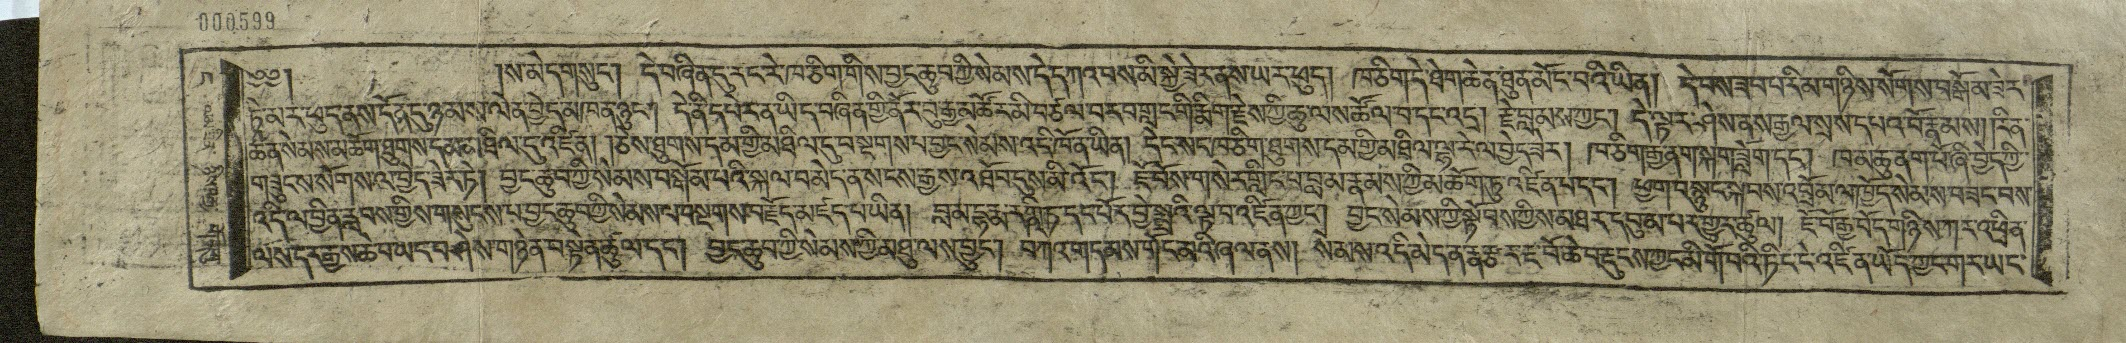༄༅། །ས་མེད་གསུང་། དེ་བཞིན་དུ་རང་རེ་ཁ་ཅིག་གིས་བྱང་ཆུབ་ཀྱི་སེམས་དེ་དཀའ་བས་མི་སྐྱེ་ཟེར་ནས་ཡར་ཕུད། ཁ་ཅིག་དེ་ཐེག་ཆེན་ཐུན་མོང་བའི་ཡིན། དེ་བས་ཟབ་པ་རིམ་གཉིས་སོགས་བསྒོམ་ཟེར་
ཏེ་མར་ཕུད་ནས་དོན་དུ་ཉམས་ལེན་བྱེད་མཁན་ཉུང་། དེ་ནི་དཔེར་ན་ཡིད་བཞིན་གྱི་ནོར་བུ་རྒྱ་མཚོར་མི་བཙལ་བར་བ་གླང་གི་རྨིག་རྗེས་ཀྱི་ཆུ་ལས་ཚོལ་བ་དང་འདྲ། རྗེ་བླ་མས་ཀྱང་། དེ་ལྟར་ཤེས་ནས་རྒྱལ་སྲས་དཔའ་བོ་རྣམས། །རིན་
ཆེན་སེམས་མཆོག་ཐུགས་དམ་མཐིལ་དུ་འཛིན། །ཅེས་ཐུགས་དམ་གྱི་མཐིལ་དུ་བསྔགས་པ་བྱང་སེམས་འདི་ཁོ་ན་ཡིན། དེང་སང་ཁ་ཅིག་ཐུགས་དམ་གྱི་མཐིལ་ལྷ་རེ་ལ་བྱེད་ཟེར། ཁ་ཅིག་རྒྱ་ནག་སྐག་ཟློག་དང་། ཁ་མཆུ་ནག་པོ་ཞི་བྱེད་ཀྱི་
གཟུངས་སོགས་ལ་བྱེད་ཟེར་ཏེ། བྱང་ཆུབ་ཀྱི་སེམས་བསྒོམ་པའི་སྐལ་བ་མེད་ན་སངས་རྒྱས་འཐོབ་དུས་མི་འོང་། ཇོ་བོས་གསེར་གླིང་པ་བླ་མ་རྣམས་ཀྱི་མཆོག་ཏུ་འཛིན་པ་དང་། ཕྱག་བསྙུང་སྐབས་འབྲོམ་ལ་ཁྱོད་སེམས་བཟང་བས་
འདི་ལ་བྱིན་རླབས་ཀྱིས་གསུངས་པ་བྱང་ཆུབ་ཀྱི་སེམས་ལ་བསྔགས་བརྗོད་མཛད་པ་ཡིན། བླ་མ་དྷ་རྨ་རཀྵི་ཏ་དང་པོར་བྱེ་སྨྲའི་ལྟ་བ་འཛིན་ཀྱང་། བྱང་སེམས་ཀྱི་སྟོབས་ཀྱིས་མཐར་དབུ་མ་པར་གྱུར་ཚུལ། ཇོ་བོ་རྒྱ་བོད་གཉིས་ཀར་འཕྲིན་
ལས་དར་རྒྱས་ཆེ་བ་ཡང་བཤེས་གཉེན་བསྟེན་ཚུལ་དང་། བྱང་ཆུབ་ཀྱི་སེམས་ཀྱི་མཐུ་ལས་བྱུང་། བཀའ་གདམས་གོང་མའི་ཞལ་ནས། སེམས་འདི་མེད་ན་རྣ་རྩར་རྔ་བོ་ཆེ་བརྡུངས་ཀྱང་མི་གོ་བའི་ཏིང་ངེ་འཛིན་ཡོད་ཀྱང་གར་ཡང་